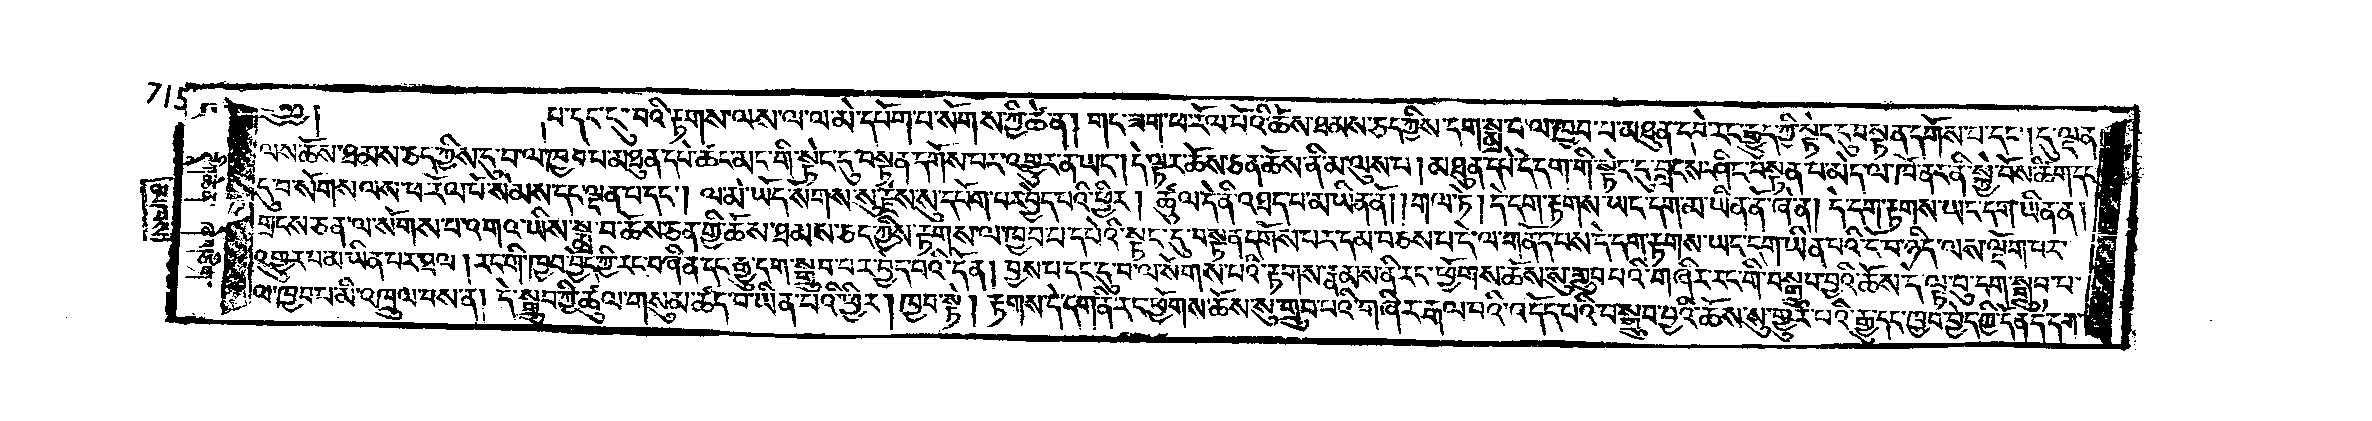༄༅། །པ་དང་དུ་བའི་རྟགས་ལས་ལ་ལ་མེ་དཔོག་པ་སོགས་ཀྱི་ཚེ་ན། གང་ཟག་ཕ་རོལ་པོའི་ཆོས་ཐམས་ཅད་ཀྱིས་དག་སྨྲ་བ་ལ་ཁྱབ་པ་མཐུན་དཔེ་རང་རྒྱུད་ཀྱི་སྟེང་དུ་བསྟན་དགོས་པ་དང་། དུ་ལྡན་
ལས་ཆོས་ཐམས་ཅད་ཀྱིས་དུ་བ་ལ་ཁྱབ་པ་མཐུན་དཔེ་ཚང་མང་གི་སྟེང་དུ་བསྟན་དགོས་པར་འགྱུར་ན་ཡང་། དེ་ལྟར་ཆོས་ཅན་ཆོས་ནི་མ་ལུས་པ། མཐུན་དཔེ་དེ་དག་གི་སྟེང་དུ་བླངས་ཤིང་བསྟན་པ་མེད་ལ་ཁོ་ནར་ནི་སྐྱེ་བོས་ཚིག་དང་
དུ་བ་སོགས་ལས་ཕ་རོལ་པོ་སེམས་དང་ལྡན་པ་དང་། ལ་མེ་ཡོད་སོགས་སུ་རྗེས་སུ་དཔོག་པར་བྱེད་པའི་ཕྱིར། ཚུལ་དེ་ནི་འཐད་པ་མ་ཡིན་ནོ། །གལ་ཏེ། དེ་དག་རྟགས་ཡང་དག་མ་ཡིན་ནོ་ཞེ་ན། དེ་དག་རྟགས་ཡང་དག་ཡིན་ན།
གྲངས་ཅན་ལ་སོགས་པ་འགའ་ཡིས་སྨྲ་བ་ཆོས་ཅན་གྱི་ཆོས་ཐམས་ཅད་ཀྱིས་རྟགས་ལ་ཁྱབ་པ་དཔེའི་སྟང་དུ་བསྟན་དགོས་པར་དམ་བཅས་པ་དེ་ལ་གནོད་པས་དེ་དག་རྟགས་ཡང་དག་ཡིན་པའི་ངོ་བོ་ཉིད་ལས་ལྡོག་པར་
འགྱུར་བ་མ་ཡིན་པར་ཐལ། རང་གི་ཁྱབ་བྱེད་ཀྱི་རང་བཞིན་དང་རྒྱུ་དག་སྒྲུབ་པར་བྱེད་པའི་དོན། བྱས་པ་དང་དུ་བ་ལ་སོགས་པའི་རྟགས་རྣམས་ནི་རང་ཕྱོགས་ཆོས་སུ་གྲུབ་པའི་གཞིར་རང་གི་བསྒྲུབ་བྱའི་ཆོས་དེ་ལྟ་བུ་དག་སྒྲུབ་པ་
ལ་ཁྱབ་པ་མི་འཁྲུལ་བས་ན། དེ་སྒྲུབ་ཀྱི་ཚུལ་གསུམ་ཚང་པ་ཡིན་པའི་ཕྱིར། ཁྱབ་སྟེ། རྟགས་དེ་དག་ནི་རང་ཕྱོགས་ཆོས་སུ་གྲུབ་པའི་གཞིར་རྒོལ་བའི་འདོད་པའི་བསྒྲུབ་བྱའི་ཆོས་སུ་གྱུར་བའི་རྒྱུ་དང་ཁྱབ་བྱེད་ཀྱི་དོན་དེ་དག་